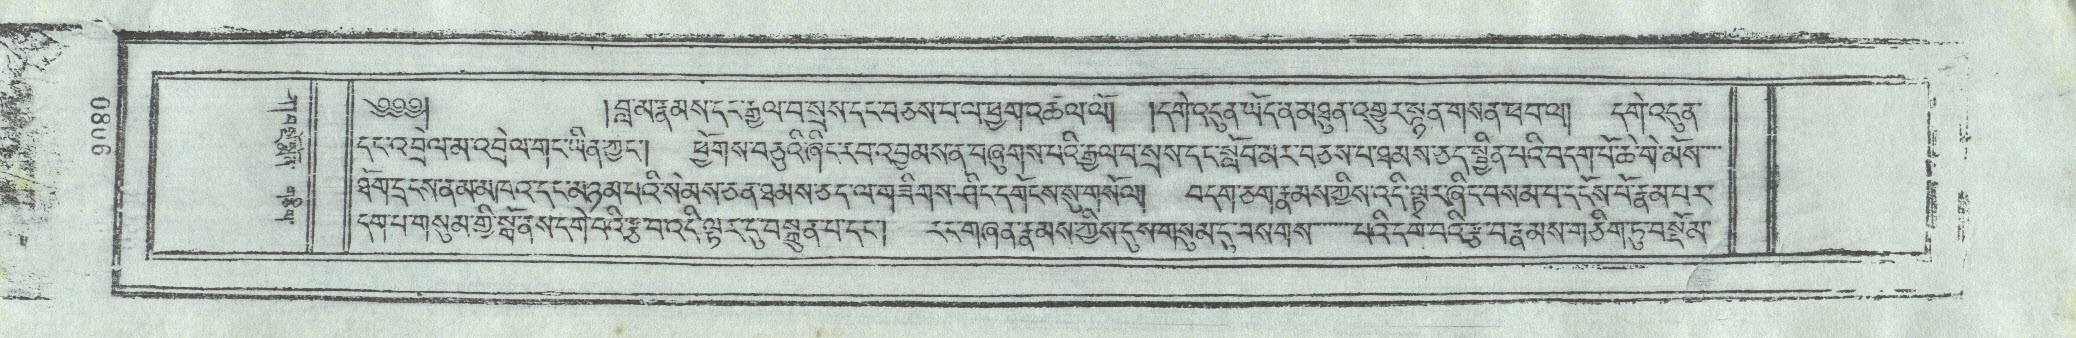༄༅༅། །བླ་མ་རྣམས་དང་རྒྱལ་བ་སྲས་དང་བཅས་པ་ལ་ཕྱག་འཚལ་ལོ། །དགེ་འདུན་ཡོན་ན་མཐུ་འགྱུར་སྙན་གསན་ཕབ་ལ། དགེ་འདུན་
དང་འབྲེལ་མ་འབྲེལ་གང་ཡིན་ཀྱང་། ཕྱོགས་བཅུའི་ཞིང་རབ་འབྱམས་ན་བཞུགས་པའི་རྒྱལ་བ་སྲས་དང་སློབ་མར་བཅས་པ་ཐམས་ཅད་སྦྱིན་པའི་བདག་པོ་ཆེ་གེ་མོས་
ཐོག་དྲངས་ནམ་མཁའ་དང་མཉམ་པའི་སེམས་ཅན་ཐམས་ཅད་ལ་གཟིགས་ཤིང་དགོངས་སུ་གསོལ། བདག་ཅག་རྣམས་ཀྱིས་འདི་ལྟར་ཞིང་བསམ་པ་དངོས་པོ་རྣམ་པར་
དག་པ་གསུམ་གྱི་སྒོ་ནས་དགེ་བའི་རྩ་བ་འདི་ལྟར་དུ་བསྐྲུན་པ་དང་། རང་གཞན་རྣམས་ཀྱིས་དུས་གསུམ་དུ་བསགས་པའི་དགེ་བའི་རྩ་བ་རྣམས་གཅིག་ཏུ་བསྡོམ་